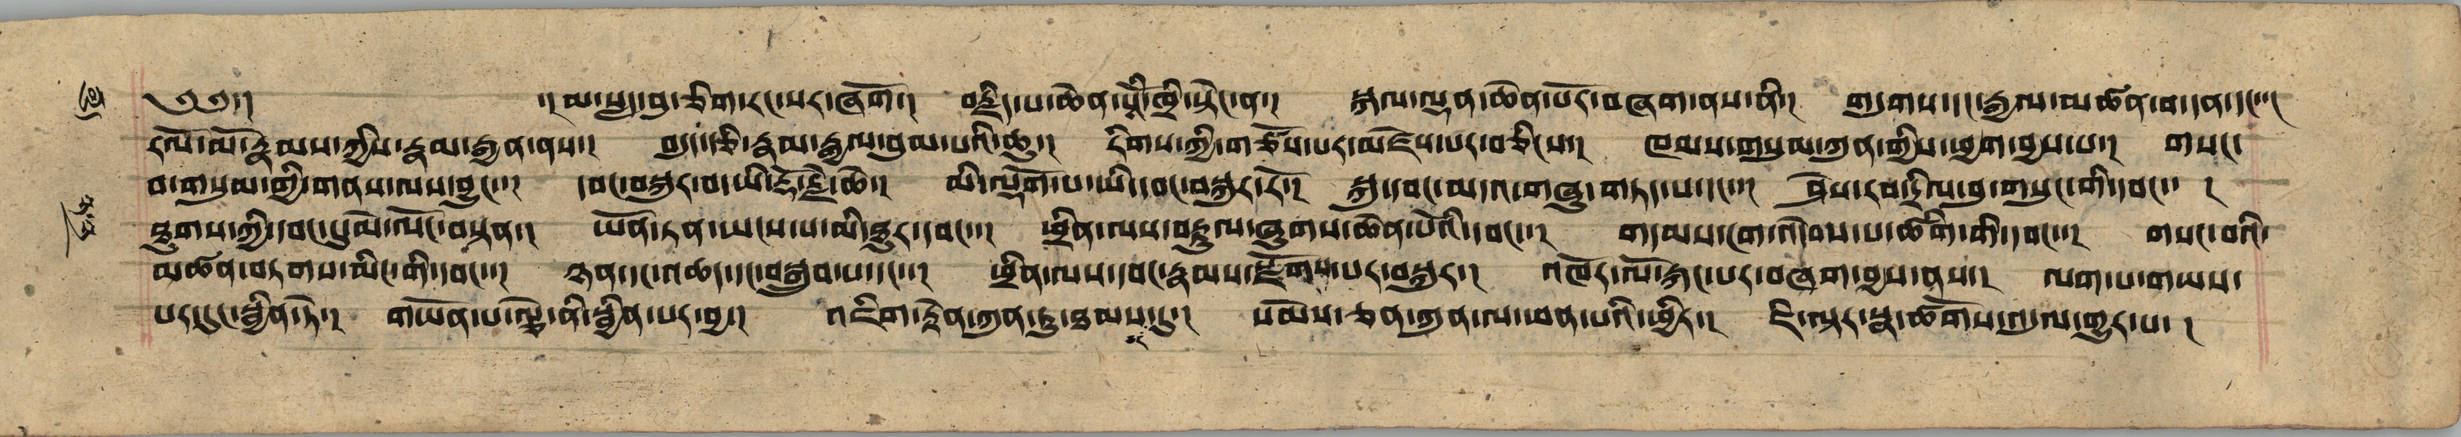༄༅་། ་།མ་སླད་བུ་ཅིག་རང་སར་ཞོག་། བརྗིད་པ་ཆེན་པོའི་ཁྲི་སྟེང་ན་། སྐལ་ལྡན་ཆེན་པོར་བཞག་ནས་ནི་། གདུགས་དང་རྒྱལ་མཚན་བ་དན་དང་་།
རོལ་མོ་རྣམས་ཀྱིས་རྣམ་རྒྱན་ནས་། བདུད་རྩི་རྣམ་རྒྱལ་བུམ་པའི་ཆུ་། རིགས་ཀྱི་གཙོས་པར་མཛེས་པར་བཅིངས་། ཁམས་གསུམ་ཀུན་གྱིས་ཕྱག་བྱས་པ་། གསང་
བ་གསུམ་གྱི་གནས་ལས་བྱུང་་། དབང་བསྐུར་བ་ཡི་རྡོ་རྗེ་ཆེ་། མི་ལྡོག་པ་ཡི་དབང་བསྐུར་རོ་། སྐུ་དབང་མདའ་གཞུ་གཏད་པ་དང་་། ཤེས་རབ་དྲིལ་བུ་གསུང་གི་དབང་་ །
ཐུགས་ཀྱི་དབང་དུ་མེ་ལོང་བསྟན་། ཡོན་ཏན་ཡངས་པ་མི་ཐུར་དབང་་། ཕྲིན་ལས་བརྟུལ་ཞུགས་ཆེན་པོའི་དབང་་། གདམས་ངག་འདེབས་པ་ཚིག་གི་དབང་་། གསང་བའི་
མཚན་བཏགས་མིང་གི་དབང་་། ཉན་དང་འཆད་དང་བསྒྲུབ་པ་དང་་། ཕྲིན་ལས་དབང་རྣམས་སྫོགས་པར་བསྐུར་། འཁོར་ལོ་རྐང་པར་བཞག་བྱས་ནས་། ལག་པ་གཡས་
པར་དུང་སྦྱིན་ཏེ་། གཡོན་པ་ལྕེ་ནི་སྦྱིན་པར་བྱ་། འཇིག་རྟེན་ཀུན་ཏུ་ཐམས་ཅད་དུ་། སེམས་ཅན་ཀུན་ལ་ཕན་པའི་ཕྱིར་། ཇི་ལྟར་སྣ་ཚོགས་འདུལ་གྱུར་པ་།